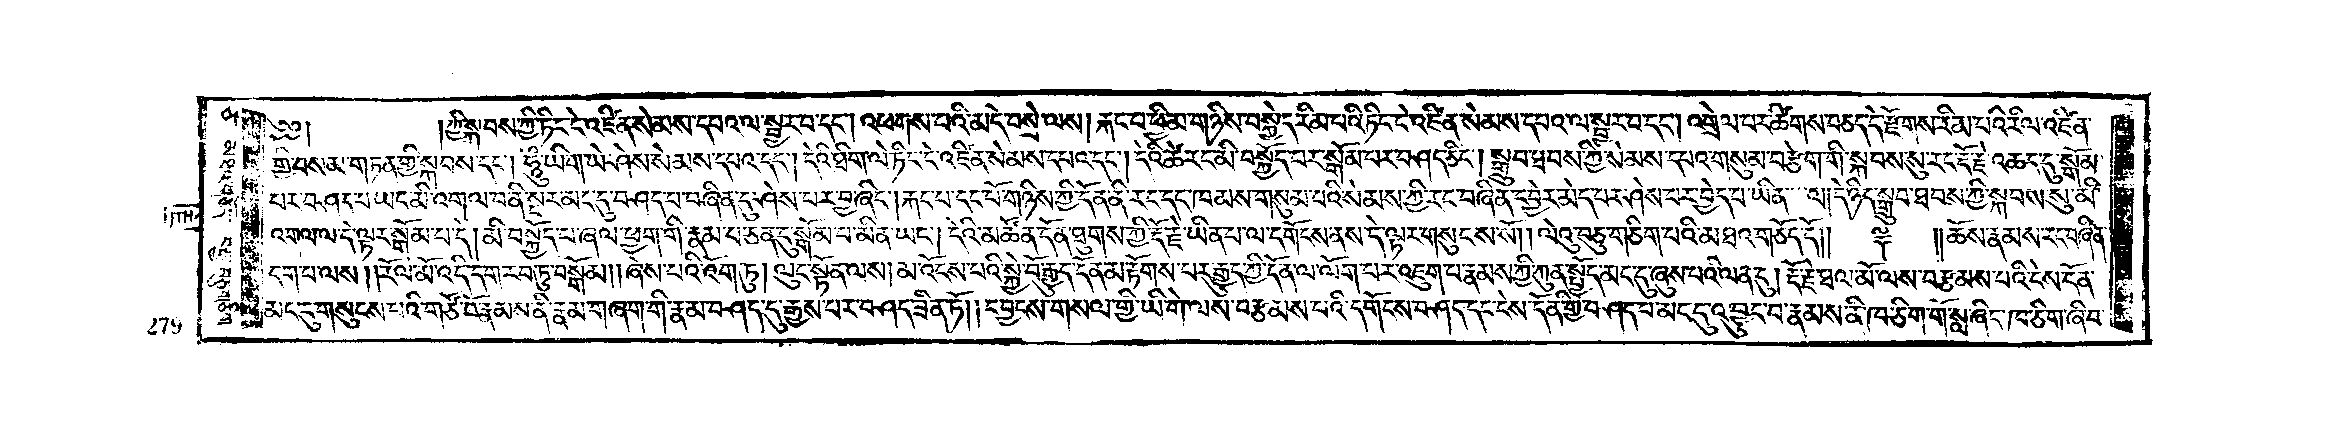༄༅། །ཀྱི་སྐབས་ཀྱི་ཏིང་ངེ་འཛིན་སེམས་དཔའ་ལ་སྦྱར་བ་དང་། འཕགས་པའི་མདོ་བསྲེ་ལས། རྐང་པ་ཕྱི་མ་གཉིས་བསྐྱེད་རིམ་པའི་ཏིང་ངེ་འཛིན་སེམས་དཔའ་ལ་སྦྱར་བ་དང་། འགྲེལ་པར་ཚིགས་བཅད་དེ་རྫོགས་རིམ་པའི་རིལ་འཛིན་
གྱི་བསམ་གཏན་གྱི་སྐབས་དང་། ཧཱུཾ་ཡེ་ཡིག་ཤེས་སེམས་དཔའ་དང་། དེའི་ཐིག་ལེ་ཏིང་ངེ་འཛིན་སེམས་དཔའ་དང་། དེའི་ཚེ་རང་མི་བསྐྱོད་པར་སྒོམ་པར་བཤད་ཅིང་། སྒྲུབ་ཐབས་ཀྱི་སེམས་དཔའ་གསུམ་བརྩེག་གི་སྐབས་སུ་རང་རྡོ་རྗེ་འཆང་དུ་སྒོམ་
པར་བཤད་པ་ཡང་མི་འགལ་བ་ནི་སྔར་མང་དུ་བཤད་པ་བཞིན་དུ་ཤེས་པར་བྱ་ཞིང་། རྐང་པ་དང་པོ་གཉིས་ཀྱི་དོན་ནི་རང་དང་ཁམས་གསུམ་པའི་སེམས་ཀྱི་རང་བཞིན་དབྱེར་མེད་པར་ཤེས་པར་བྱེད་པ་ཡིན་ལ། དེ་ཉིད་སྒྲུབ་ཐབས་ཀྱི་སྐབས་སུ་མི་
འགལ་ལ་དེ་ལྟར་སྒོམ་པ་དེ། མི་བསྐྱོད་པ་ཞལ་ཕྱག་གི་རྣམ་པ་ཅན་དུ་སྒོམ་པ་མིན་ཡང་། དེའི་མཚོན་དོན་ཐུགས་ཀྱི་རྡོ་རྗེ་ཡིན་པ་ལ་དགོངས་ནས་དེ་ལྟར་གསུངས་སོ། །ལེའུ་བཅུ་གཅིག་པའི་མཐའ་གཅོད་དོ།། ༈ །།ཆོས་རྣམས་རང་བཞིན་
དག་པ་ལས། །རོལ་མོ་འདི་དག་རབ་ཏུ་བསྒོམ། །ཞེས་པའི་འོག་ཏུ། ལུང་སྟོན་ལས། མ་འོངས་པའི་སྐྱེ་བོ་རྒྱུད་དོན་མ་རྟོགས་པར་རྒྱུད་ཀྱི་དོན་ལ་ལོག་པར་འཇུག་པ་རྣམས་ཀྱི་ཀུན་སྤྱོད་མང་དུ་ཞུས་པའི་ལན་དུ། རྡོ་རྗེ་ཐལ་མོ་ལས་བརྩམས་པའི་ངེས་དོན་
མང་དུ་གསུངས་པའི་གཙོ་བོ་རྣམས་ནི་རྣམ་གཞག་གི་རྣམ་བཤད་དུ་རྒྱས་པར་བཤད་ཟིན་ཏོ། །དབྱངས་གསལ་གྱི་ཡི་གེ་ལས་བརྩམས་པའི་དགོངས་བཤད་དང་ངེས་དོན་གྱི་བཤད་པ་མང་དུ་འབྱུང་བ་རྣམས་ནི་ཁ་ཅིག་གོ་སླ་ཞིང་ཁ་ཅིག་ཞིབ་